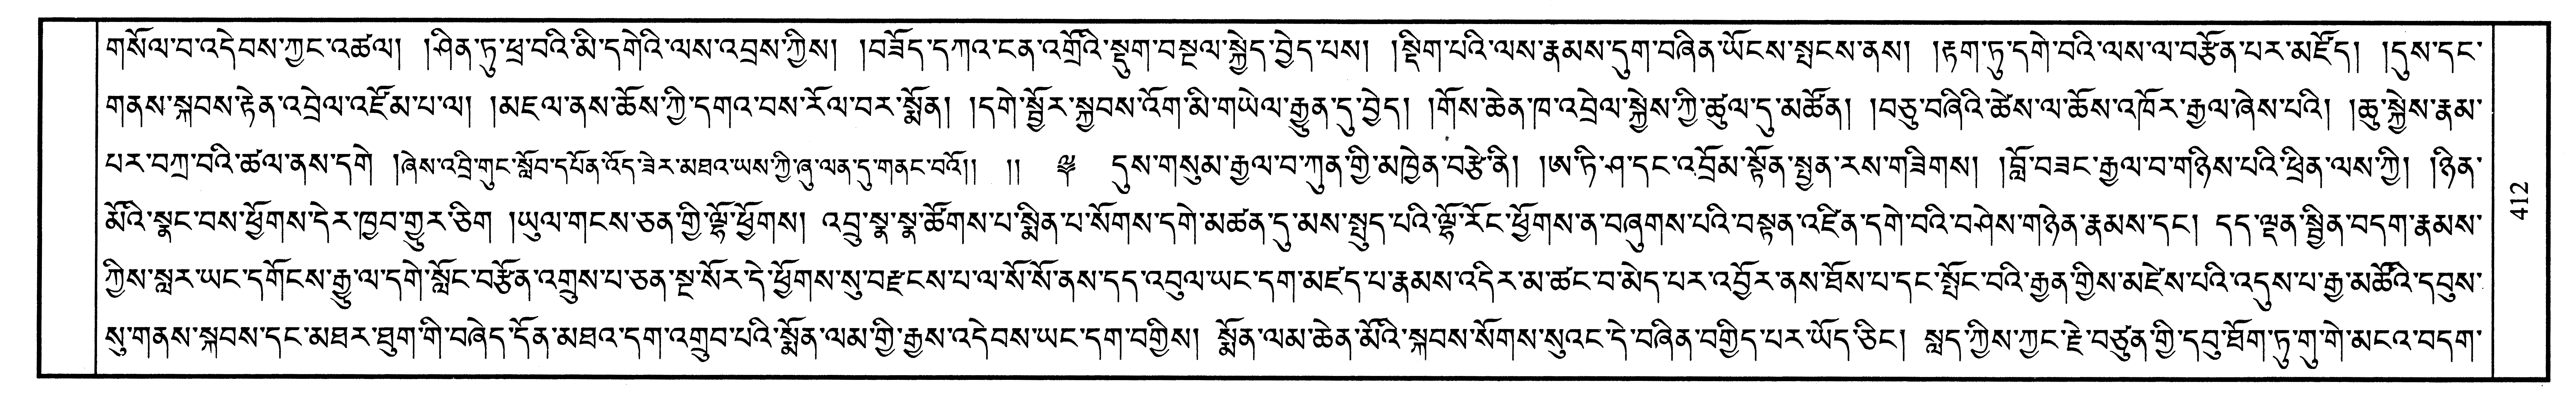གསོལ་བ་འདེབས་ཀྱང་འཚལ། །ཤིན་ཏུ་ཕྲ་བའི་མི་དགེའི་ལས་འབྲས་ཀྱིས། །བཟོད་དཀའ་ངན་འགྲོའི་སྡུག་བསྔལ་སྐྱེད་བྱེད་པས། །སྡིག་པའི་ལས་རྣམས་དུག་བཞིན་ཡོངས་སྤངས་ནས། །རྟག་ཏུ་དགེ་བའི་ལས་ལ་བརྩོན་པར་མཛོད། །དུས་དང་
གནས་སྐབས་རྟེན་འབྲེལ་འཛོམ་པ་ལ། །མཇལ་ནས་ཆོས་ཀྱི་དགའ་བས་རོལ་བར་སྨོན། །དགེ་སྦྱོར་སྐྱབས་འོག་མི་གཡེལ་རྒྱུན་དུ་བྱེད། །གོས་ཆེན་ཁ་འབྲེལ་སྐྱེས་ཀྱི་ཚུལ་དུ་མཚོན། །བཅུ་བཞིའི་ཚེས་ལ་ཆོས་འཁོར་རྒྱལ་ཞེས་པའི། །ཆུ་སྐྱེས་རྣམ་
པར་བཀྲ་བའི་ཚལ་ནས་དགེ །ཞེས་འབྲི་གུང་སློབ་དཔོན་འོད་ཟེར་མཐའ་ཡས་ཀྱི་ཞུ་ལན་དུ་གནང་བའོ།། །། ༈ དུས་གསུམ་རྒྱལ་བ་ཀུན་གྱི་མཁྱེན་བརྩེ་ནི། །ཨ་ཏི་ཤ་དང་འབྲོམ་སྟོན་སྤྱན་རས་གཟིགས། །བློ་བཟང་རྒྱལ་བ་གཉིས་པའི་ཕྲིན་ལས་ཀྱི། །ཉིན་
མོའི་སྣང་བས་ཕྱོགས་དེར་ཁྱབ་གྱུར་ཅིག །ཡུལ་གངས་ཅན་གྱི་ལྷོ་ཕྱོགས། འབྲུ་སྣ་སྣ་ཚོགས་པ་སྨིན་པ་སོགས་དགེ་མཚན་དུ་མས་སྤུད་པའི་ལྷོ་རོང་ཕྱོགས་ན་བཞུགས་པའི་བསྟན་འཛིན་དགེ་བའི་བཤེས་གཉེན་རྣམས་དང་། དད་ལྡན་སྦྱིན་བདག་རྣམས་
ཀྱིས་སླར་ཡང་དགོངས་རྒྱུ་ལ་དགེ་སློང་བརྩོན་འགྲུས་པ་ཅན་སྔ་སོར་དེ་ཕྱོགས་སུ་བརྫངས་པ་ལ་སོ་སོ་ནས་དད་འབུལ་ཡང་དག་མཛད་པ་རྣམས་འདིར་མ་ཚང་བ་མེད་པར་འབྱོར་ནས་ཐོས་པ་དང་སྤོང་བའི་རྒྱན་གྱིས་མཛེས་པའི་འདུས་པ་རྒྱ་མཚོའི་དབུས་
སུ་གནས་སྐབས་དང་མཐར་ཐུག་གི་བཞེད་དོན་མཐའ་དག་འགྲུབ་པའི་སྨོན་ལམ་གྱི་རྒྱས་འདེབས་ཡང་དག་བགྱིས། སྨོན་ལམ་ཆེན་མོའི་སྐབས་སོགས་སུའང་དེ་བཞིན་བགྱིད་པར་ཡོད་ཅིང་། སླད་ཀྱིས་ཀྱང་རྗེ་བཙུན་གྱི་དབུ་ཐོག་ཏུ་གུ་གེ་མངའ་བདག་